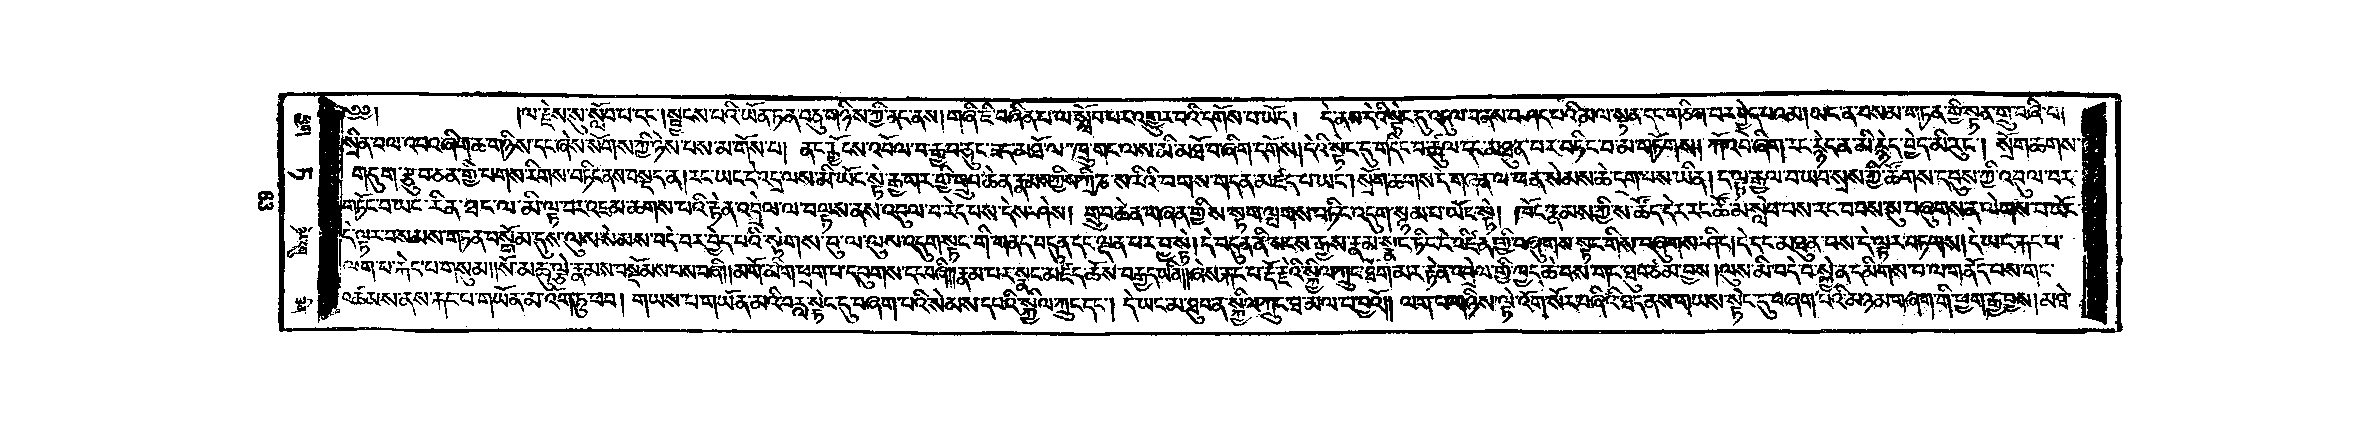༄༅། །ལ་རྗེས་སུ་སློབ་པ་དང་། སྦྱངས་པའི་ཡོན་ཏན་བཅུ་གཉིས་ཀྱི་ནང་ནས། གཞི་ཇི་བཞིན་པ་ལ་སློབ་པར་འགྱུར་བའི་དགོས་པ་ཡོད། དེ་ནས་དེའི་སྟེང་དུ་འདུལ་བ་ནས་བཤད་པའི་མལ་སྟན་དང་གཅིག་པར་བྱེད་པའམ། ཡང་ན་བསམ་གཏན་གྱི་སྟན་གྲུ་བཞི་པ།
སྲིན་བལ་འབའ་ཞིག་ཆ་གཉིས་དང་ཞེས་སོགས་ཀྱི་ཉེས་པས་མ་གོས་པ། ནང་རྒྱོངས་འབོལ་བ་རྒྱབ་ཅུང་ཟད་མཐོ་ལ་ཁྲུ་གང་ལས་མི་མཐོ་བ་ཞིག་དགོས། དེའི་སྟེང་དུ་གདིང་བ་ཚུལ་དང་མཐུན་པར་བཏིང་བ་མ་གཏོགས། ཀོ་འབེ་ཞིག་རང་རྙེད་ན་མི་རྙེད་བྱེད་མི་རུང་། སྲོག་ཆགས་
གདུག་རྩུབ་ཅན་གྱི་པགས་རིགས་བཏིང་ནས་བསྡད་ན། རང་ཡང་དེ་འདྲ་ལས་མི་ཡོང་སྟེ་རྒྱ་གར་གྱི་གྲུབ་ཆེན་རྣམས་ཀྱིས་ཀྲི་ཎ་ས་རིའི་བགས་གདན་མཛད་པ་ཡང་། སྲོག་ཆགས་དེ་གཞན་ལ་ཕན་སེམས་ཆེ་དྲག་པས་ཡིན། ད་ལྟ་རྒྱལ་བ་ཡབ་སྲས་ཀྱི་ཚོགས་དབུས་ཀྱི་འབུལ་བར་
གཏོང་བ་ཡང་རིན་ཐང་ལ་མི་ལྟ་བར་འཇམ་ཆགས་པའི་རྟེན་འབྲེལ་ལ་བལྟས་ནས་འབུལ་བ་རེད་པས་དེས་ཤེས། གྲུབ་ཆེན་གཞན་གྱིས་སྟག་ལྤགས་བཏིང་འདུག་སྙམ་པ་ཡོང་སྟེ། ཁོང་རྣམས་ཀྱིས་ཚོད་དེར་རང་ཚོ་མ་སླེབ་པས་རང་བབས་སུ་བཞུགས་ན་ལེགས་པ་ཡོང་
དེ་ལྟར་བསམས་གཏན་བསྒོམ་དུས་ལུས་སེམས་བདེ་བར་བྱེད་པའི་སྟེགས་བུ་ལ་ལུས་འདུག་སྟང་གི་གནད་བདུན་དང་ལྡན་པར་བྱ་སྟེ། དེ་བདུན་ནི་སངས་རྒྱས་རྣམ་སྣང་ཏིང་ངེ་འཛིན་གྱི་བཞུགས་སྟང་གིས་བཞུགས་ཤིང་། དེ་དང་མཐུན་པས་དེ་ལྟར་བཏགས། དེ་ཡང་རྐང་པ་
ལག་པ་རྐེད་པ་གསུམ། །སོ་མཆུ་ལྕེ་རྣམས་བསྡོམས་པས་བཞི། །མགོ་མིག་ཕྲག་པ་དབུགས་དང་བཞི། །རྣམ་པར་སྣང་མཛད་ཆོས་བརྒྱད་ཡིན། །ཞེས་རྐང་པ་རྡོ་རྗེའི་སྐྱིལ་ཀྲུང་ཐོག་མར་རྟེན་འབྲེལ་གྱི་ཁྱད་ཆེ་བས་གང་ཐུབ་ཙམ་བྱས། ལུས་མི་བདེ་བ་སྐྱེ་ན་དམིགས་པ་ལ་གནོད་པས་གང་
འཚམས་ནས་རྐང་པ་གཡོན་མ་འོག་ཏུ་ཕབ། གཡས་པ་གཡོན་མའི་བརླ་སྟེང་དུ་བཞག་པའི་སེམས་དཔའི་སྐྱིལ་ཀྲུང་དང་། དེ་ཡང་མ་ཐུབ་ན་སྐྱིལ་ཀྲུང་ཐ་མལ་པ་བྱའོ། །ལག་པ་གཉིས་ལྟེ་འོག་སོར་བཞིའི་ཐད་ནས་གཡས་སྟེང་དུ་བཞག་པའི་མཉམ་གཞག་གི་ཕྱག་རྒྱ་བྱས། མཐེ་